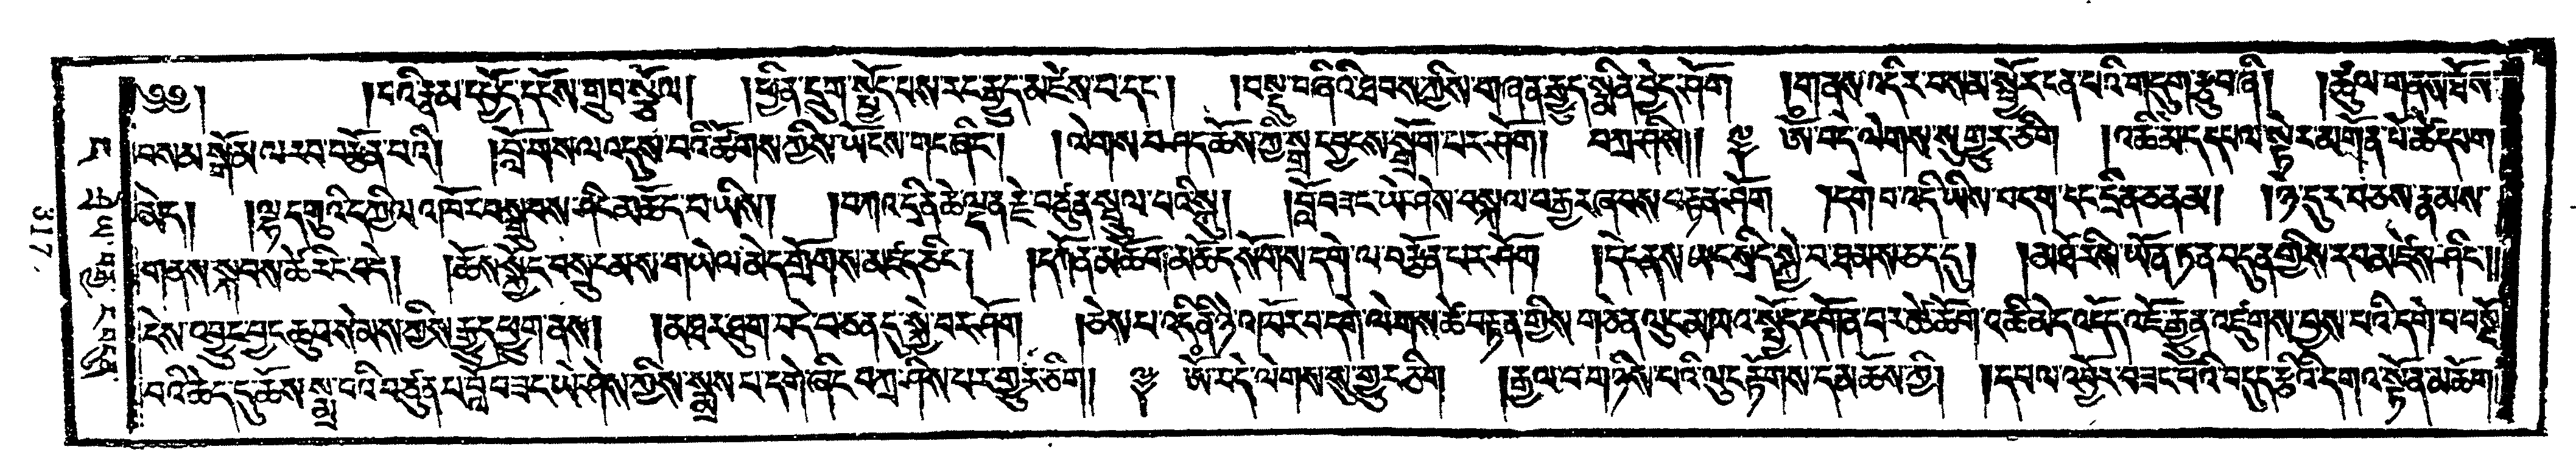༄༅། །བའི་རྣམ་དཔྱོད་དངོས་གྲུབ་སྩོལ། །ཕྱིན་དྲུག་སྤྱོད་པས་རང་རྒྱུད་མཛེས་བ་དང་། །བསྡུ་བཞིའི་ཐབས་ཀྱིས་གཞན་རྒྱུད་སྨིན་བྱེད་ཤོག །གནས་འདིར་བསམ་སྦྱོར་ངན་པའི་གདུག་རྩུབ་ཞི། །ཚུལ་གནས་ཐོས་
བསམ་སྒོམ་ལ་རབ་བརྩོན་པའི། །བློ་གསལ་འདུས་བའི་ཚོགས་ཀྱིས་ཡོངས་གང་ཞིང་། །ལེགས་བཤད་ཆོས་ཀྱི་སྒྲ་དབྱངས་སྒྲོག་པར་ཤོག། བཀྲ་ཤིས།། ༈ ཨོཾ་བདེ་ལེགས་སུ་གྱུར་ཅིག །འཆི་མེད་དཔལ་སྟེར་མགོན་པོ་ཚེ་དཔག་
མེད། །ལྷ་དགུའི་དཀྱིལ་འཁོར་བསྒྲུབས་ཤིང་མཆོད་བ་ཡིས། །བཀའ་དྲིན་ཆེ་ལྡན་རྗེ་བཙུན་སྤྲུལ་པའི་སྐུ། །བློ་བཟང་ཡེ་ཤེས་བསྐལ་བརྒྱར་ཞབས་བརྟན་ཤོག །དགེ་བ་འདི་ཡིས་བདག་དང་དྲིན་ཅན་མ། །ཉེ་དུར་བཅས་རྣམས་
གནས་སྐབས་ཚེ་རིང་བདེ། །ཆོས་སྐྱོང་བསྲུང་མས་གཡེལ་མེད་གྲོགས་མཛད་ཅིང་། །དཀོན་མཆོག་སོགས་དགེ་ལ་བརྩོན་པར་ཤོག །དེང་ནས་ཡང་སྲིད་སྐྱེ་བ་ཐམས་ཅད་དུ། །མཐོ་རིས་ཡོན་ཏན་བདུན་གྱིས་རབ་མཛེས་ཤིང།།
ངེས་འབྱུང་བྱང་ཆུབ་སེམས་ཀྱིས་རྒྱུད་ཕྱུག་ནས། །མཐར་ཐུག་བདེ་བ་ཅན་དུ་སྐྱེ་བར་ཤོག །ཅེས་པ་འདི་ནི་ཉེ་འཁོར་བ་དགེ་ལེགས་ཚེ་བརྟན་གྱིས་གཅེན་ལུང་མཁའ་སྤྱོད་དགོན་བར་ཚེ་ཆོག་འཆི་མེད་འདོད་འཇོ་རྒྱུན་འཛུགས་བྱས་པའི་དགེ་བ་བསྔོ་
བའི་ཆེད་དུ་ཆོས་སྨྲ་བའི་བཙུན་པ་བློ་བཟང་ཡེ་ཤེས་ཀྱིས་སྨྲས་པ་དགེ་ཞིང་བཀྲ་ཤིས་པར་གྱུར་ཅིག། ༈ ཨོཾ་བདེ་ལེགས་སུ་གྱུར་ཅིག། །རྒྱལ་བ་གཉིས་པའི་ལུང་རྟོགས་དམ་ཆོས་ཀྱི། །དཔལ་འབྱོར་བཟང་པོའི་བདུད་རྩིའི་དགའ་སྟོན་མཆོག།